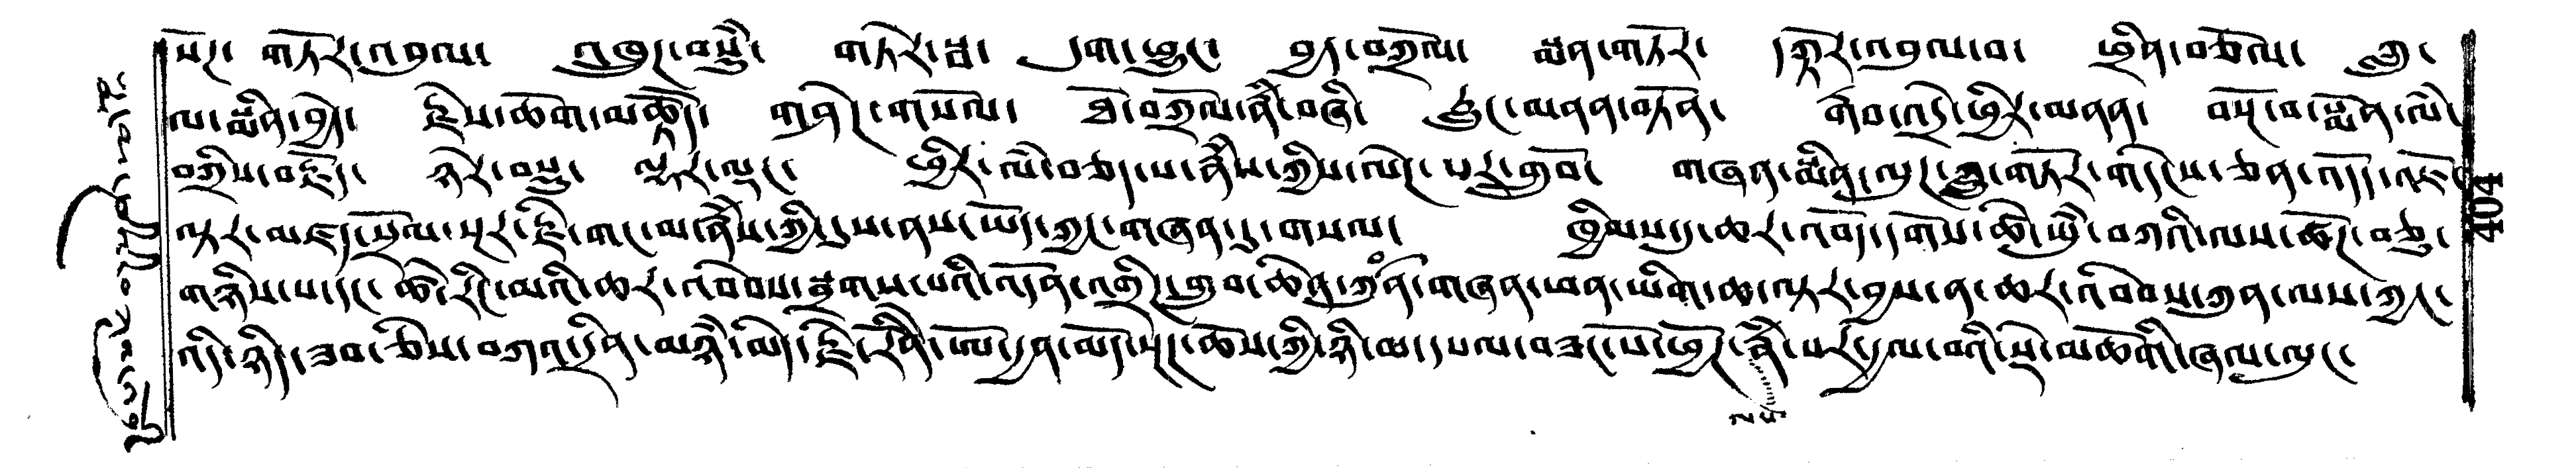སོགས། གཏོར་འབུལ། འཁྲུགས་བསྡུམ། གཏེར་སྦ། དུག་ཕྱུང་། བྱད་བཀྲོལ། སྨན་གཏོར། དཀར་གཏོར་འབུལ་བ། ཕྲིན་བཅོལ། ཀླུ་
ལ་སྨིན་བྱེད། རྗེས་ཆོག་མཆོད་བསྟོད། གཤེགས་གསོལ། ཐོ་བཀྲོལ་རྣམ་བཞི། རླུང་མནན་བཏོན། རྒབ་འདྲེ་ཕྱིར་མནན། བསྔོ་བ་སྨོན་ལམ་
བཀྲ་ཤིས་བརྗོད། ཉེར་བསྡུ། ལྷར་ལྡང་། ཕྱིར་ལམ་བཅད་པ་རྣམས་ཀྱིས་ལེགས་པར་གྲུབ་བོ། གཞན་སྨིན་ལུགས་ཀླུ་གཏོར་གདེངས་ཅན་འདོད་འཇོ་
ལྟར་མཛད་སྲོལ་སྔར་རྗེ་གོང་མ་རྣམས་ཀྱི་དུས་ནས་ཡོད་ཀྱང་གཞན་དུ་གསལ། ཁྱིམ་དུ་ཆར་འབོད་དགོས་ཚེ་ཡུམ་ཀའི་ལས་ཚོགས་བཅུ་
གཉིས་པ་དང་། ཚེ་རིང་མའི་ཆར་འབེབས་སྦྲགས་པའི་འདོན་འགྲིགས་གྲུབ་ཆེན་ཀུན་བཟང་གཞན་ཕན་གྱི་ཡིག་ཆ་ལྟར་བྱས་ན་ཆར་འབཻབས་ཀུན་ལས་ཀྱང་། 
འདི་ཉིད་ཟབ་ཅེས་བཀའ་དྲིན་མཉམ་མེད་རྗེ་རིན་པོ་ཆེ་ཨོ་རྒྱན་མདོ་སྔགས་ཆོས་ཀྱི་ཉི་མ་དཔལ་བཟང་པོ་ཕྱོགས་ལས་རྣམ་པར་རྒྱལ་བའི་སྡེ་མཆོག་གི་ཞལ་ལུང་